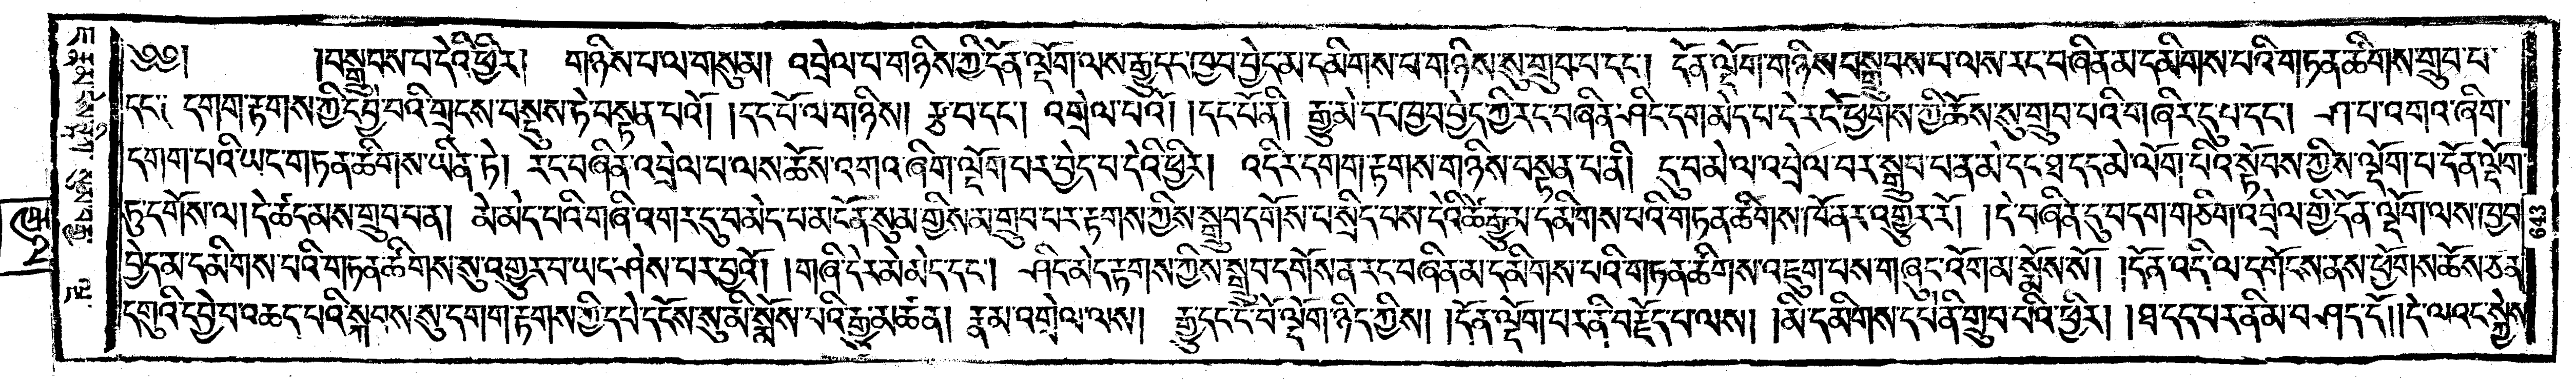༄༅། །བསྒྲུབ་པ་དེའི་ཕྱིར། གཉིས་པ་ལ་གསུམ། འབྲེལ་པ་གཉིས་ཀྱི་དོན་ལྡོག་ལས་རྒྱུ་དང་ཁྱབ་བྱེད་མ་དམིགས་པ་གཉིས་སུ་གྲུབ་པ་དང་། དོན་ལྡོག་གཉིས་བསྒྲུབས་པ་ལས་རང་བཞིན་མ་དམིགས་པའི་གཏན་ཚིགས་གྲུབ་པ་
དང་། དགག་རྟགས་ཀྱི་དབྱེ་བའི་གྲངས་བསྡུས་ཏེ་བསྟན་པའོ། །དང་པོ་ལ་གཉིས། རྩ་བ་དང་། དང་པོ་ནི། རྒྱུ་མེ་དང་ཁྱབ་བྱེད་ཀྱི་རང་བཞིན་ཤིང་དག་མེད་པ་དེ་རང་ཕྱོགས་ཀྱི་ཆོས་སུ་གྲུབ་པའི་གཞིར་དུ་བ་དང་། ཤ་བ་འགའ་ཞིག་
དགག་པའི་ཡང་གཏན་ཚིགས་ཡིན་ཏེ། རང་བཞི་འབྲེལ་པ་ལས་ཆོས་འགའ་ཞིག་ལྡོག་པར་བྱེད་པ་དེའི་ཕྱིར། འདིར་དགག་རྟགས་གཉིས་བསྟན་པ་ནི། དུ་བ་མེ་ལ་འབྲེལ་བར་སྒྲུབ་པ་ན་མེ་དང་ཐ་དད་མེ་ལོག་པའི་སྟོབས་ཀྱིས་ལྡོག་པ་དོན་ལྡོག་
ཏུ་དགོས་ལ། དེ་ཚད་མས་གྲུབ་པ་ན། མེ་མེད་པའི་གཞི་འགར་དུ་བ་མེད་པ་མངོན་སུམ་གྱིས་མ་གྲུབ་པར་རྟགས་ཀྱིས་སྒྲུབ་དགོས་པ་སྲིད་པས་དེའི་ཚེ་རྒྱུ་མ་དམིགས་པའི་གཏན་ཚིགས་ཁོ་ནར་འགྱུར་རོ། །དེ་བཞིན་དུ་བདག་གཅིག་འབྲེལ་གྱི་དོན་ལྡོག་ལས་ཁྱབ་
བྱེད་མ་དམིགས་པའི་གཏན་ཚིགས་སུ་འགྱུར་བ་ཡང་ཤེས་པར་བྱའོ། །གཞི་དེར་མེ་མེད་དང་། ཤིང་མེད་རྟགས་ཀྱིས་སྒྲུབ་དགོས་ན་རང་བཞིན་མ་དམིགས་པའི་གཏན་ཚིགས་འཇུག་པས་གཞུང་འོག་མ་སྨོས་སོ། །དོན་འདི་ལ་དགོངས་ནས་ཕྱོགས་ཆོས་ཅན་
དགུའི་དབྱེ་བ་འཆད་པའི་སྐབས་སུ་དགག་རྟགས་ཀྱི་དཔེ་དངོས་སུ་མི་སྨོས་པའི་རྒྱུ་མཚན། རྣམ་འགྲེལ་ལས། རྒྱུ་དང་ངོ་བོ་ལྡོག་ཉིད་ཀྱིས། །དོན་ལྡོག་པར་ནི་བརྗོད་པ་ལས། །མི་དམིགས་དཔེ་ནི་གྲུབ་པའི་ཕྱིར། །ཐ་དད་པར་ནི་མ་བཤད་དོ། །དེ་ལའང་སྐྱེས་